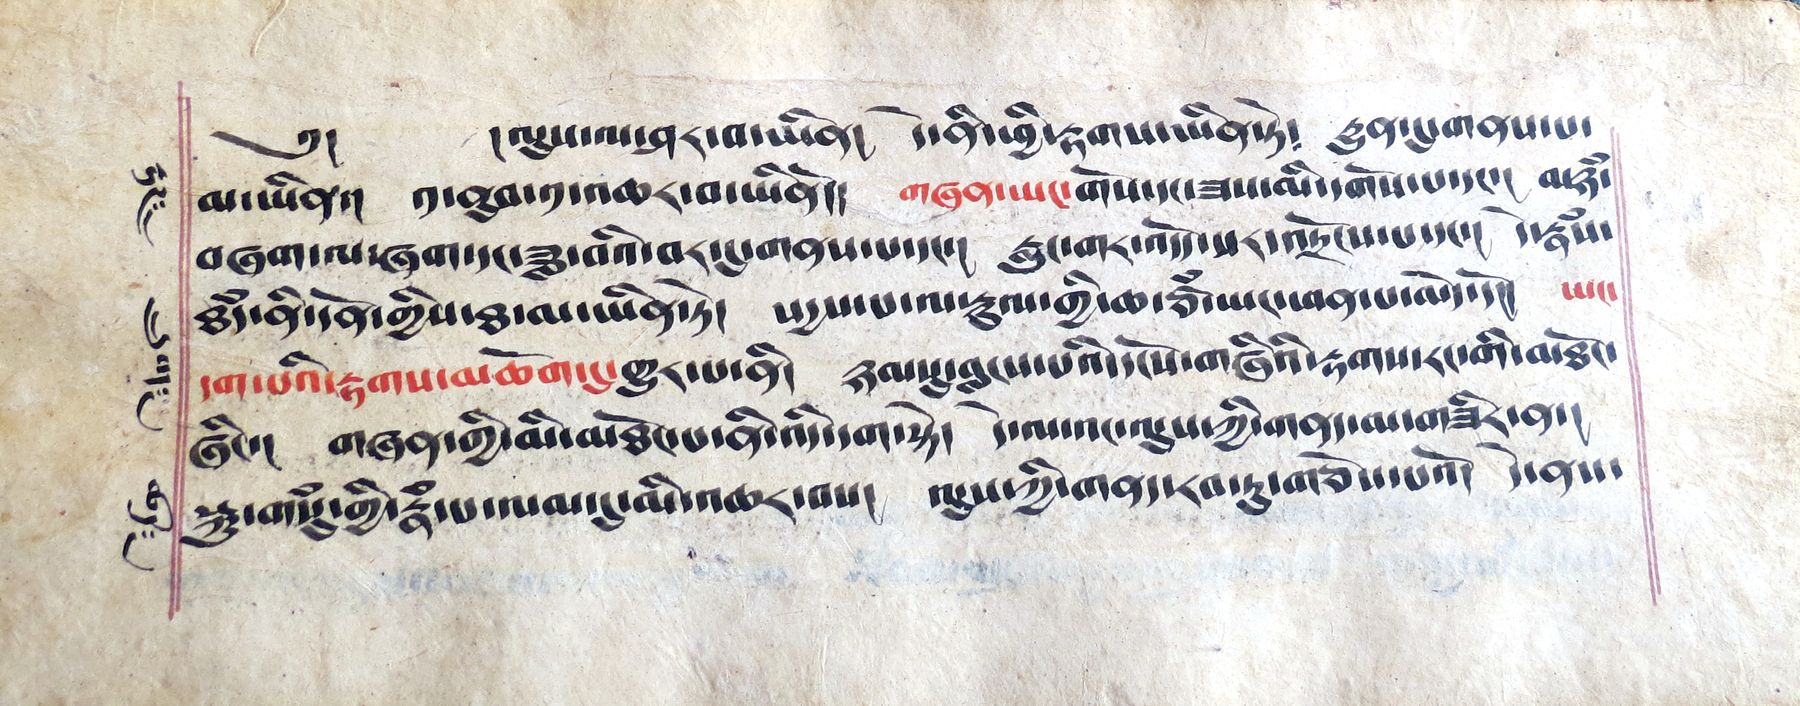ལུས་ལ་ཤར་བ་ཡིན་ནོ། །དེ་ནི་ཕྱི་རྟགས་ཡིན་ཏེ་ རྒྱུན་དུ་གནས་པ་
མ་ཡིན། གཅིག་ནུབ་ཅིང་གཅིག་འཆར་བ་ཡིན་ནོ། །གཞན་ཡང་གོས་དང་ཟས་མི་དགོས་པ་དང་། མཉམ་
བཞག་ལ་ཞག་དང་ཟླ་བའི་བར་དུ་གནས་པ་དང་། རླུང་གར་འདོད་སར་འདྲོངས་པ་དང་། དེ་རྣམས་
ཐམས་ཅད་ནི་དོན་གྱི་ཐ་མ་ཡིན་ཏེ། སངས་རྒྱས་པ་ལ་རྡུལ་ཙམ་ཡང་ཕན་པ་མེད་དོ། ། ཡང་
དག་པའི་རྟགས་མཆོག་ཏུ་གྱུར་པ་ནི། ཉམས་སུ་བླངས་པའི་དངོས་གཞི་ཡི། རྟགས་རང་གིས་མཐོང་
ཞིང་། གཞན་གྱིས་མི་མཐོང་བ་ནི། འདི་དག་སྟེ། དེ་ཡང་ལུས་གྱི་གནད་མ་གཟིར་ན། 
སྐུ་གསུམ་གྱི་སྣང་བ་ལམ་དུ་མི་འཆར་བས། ལུས་གྱི་གནད་རབ་ཏུ་གཅེས། དེ་ནས་